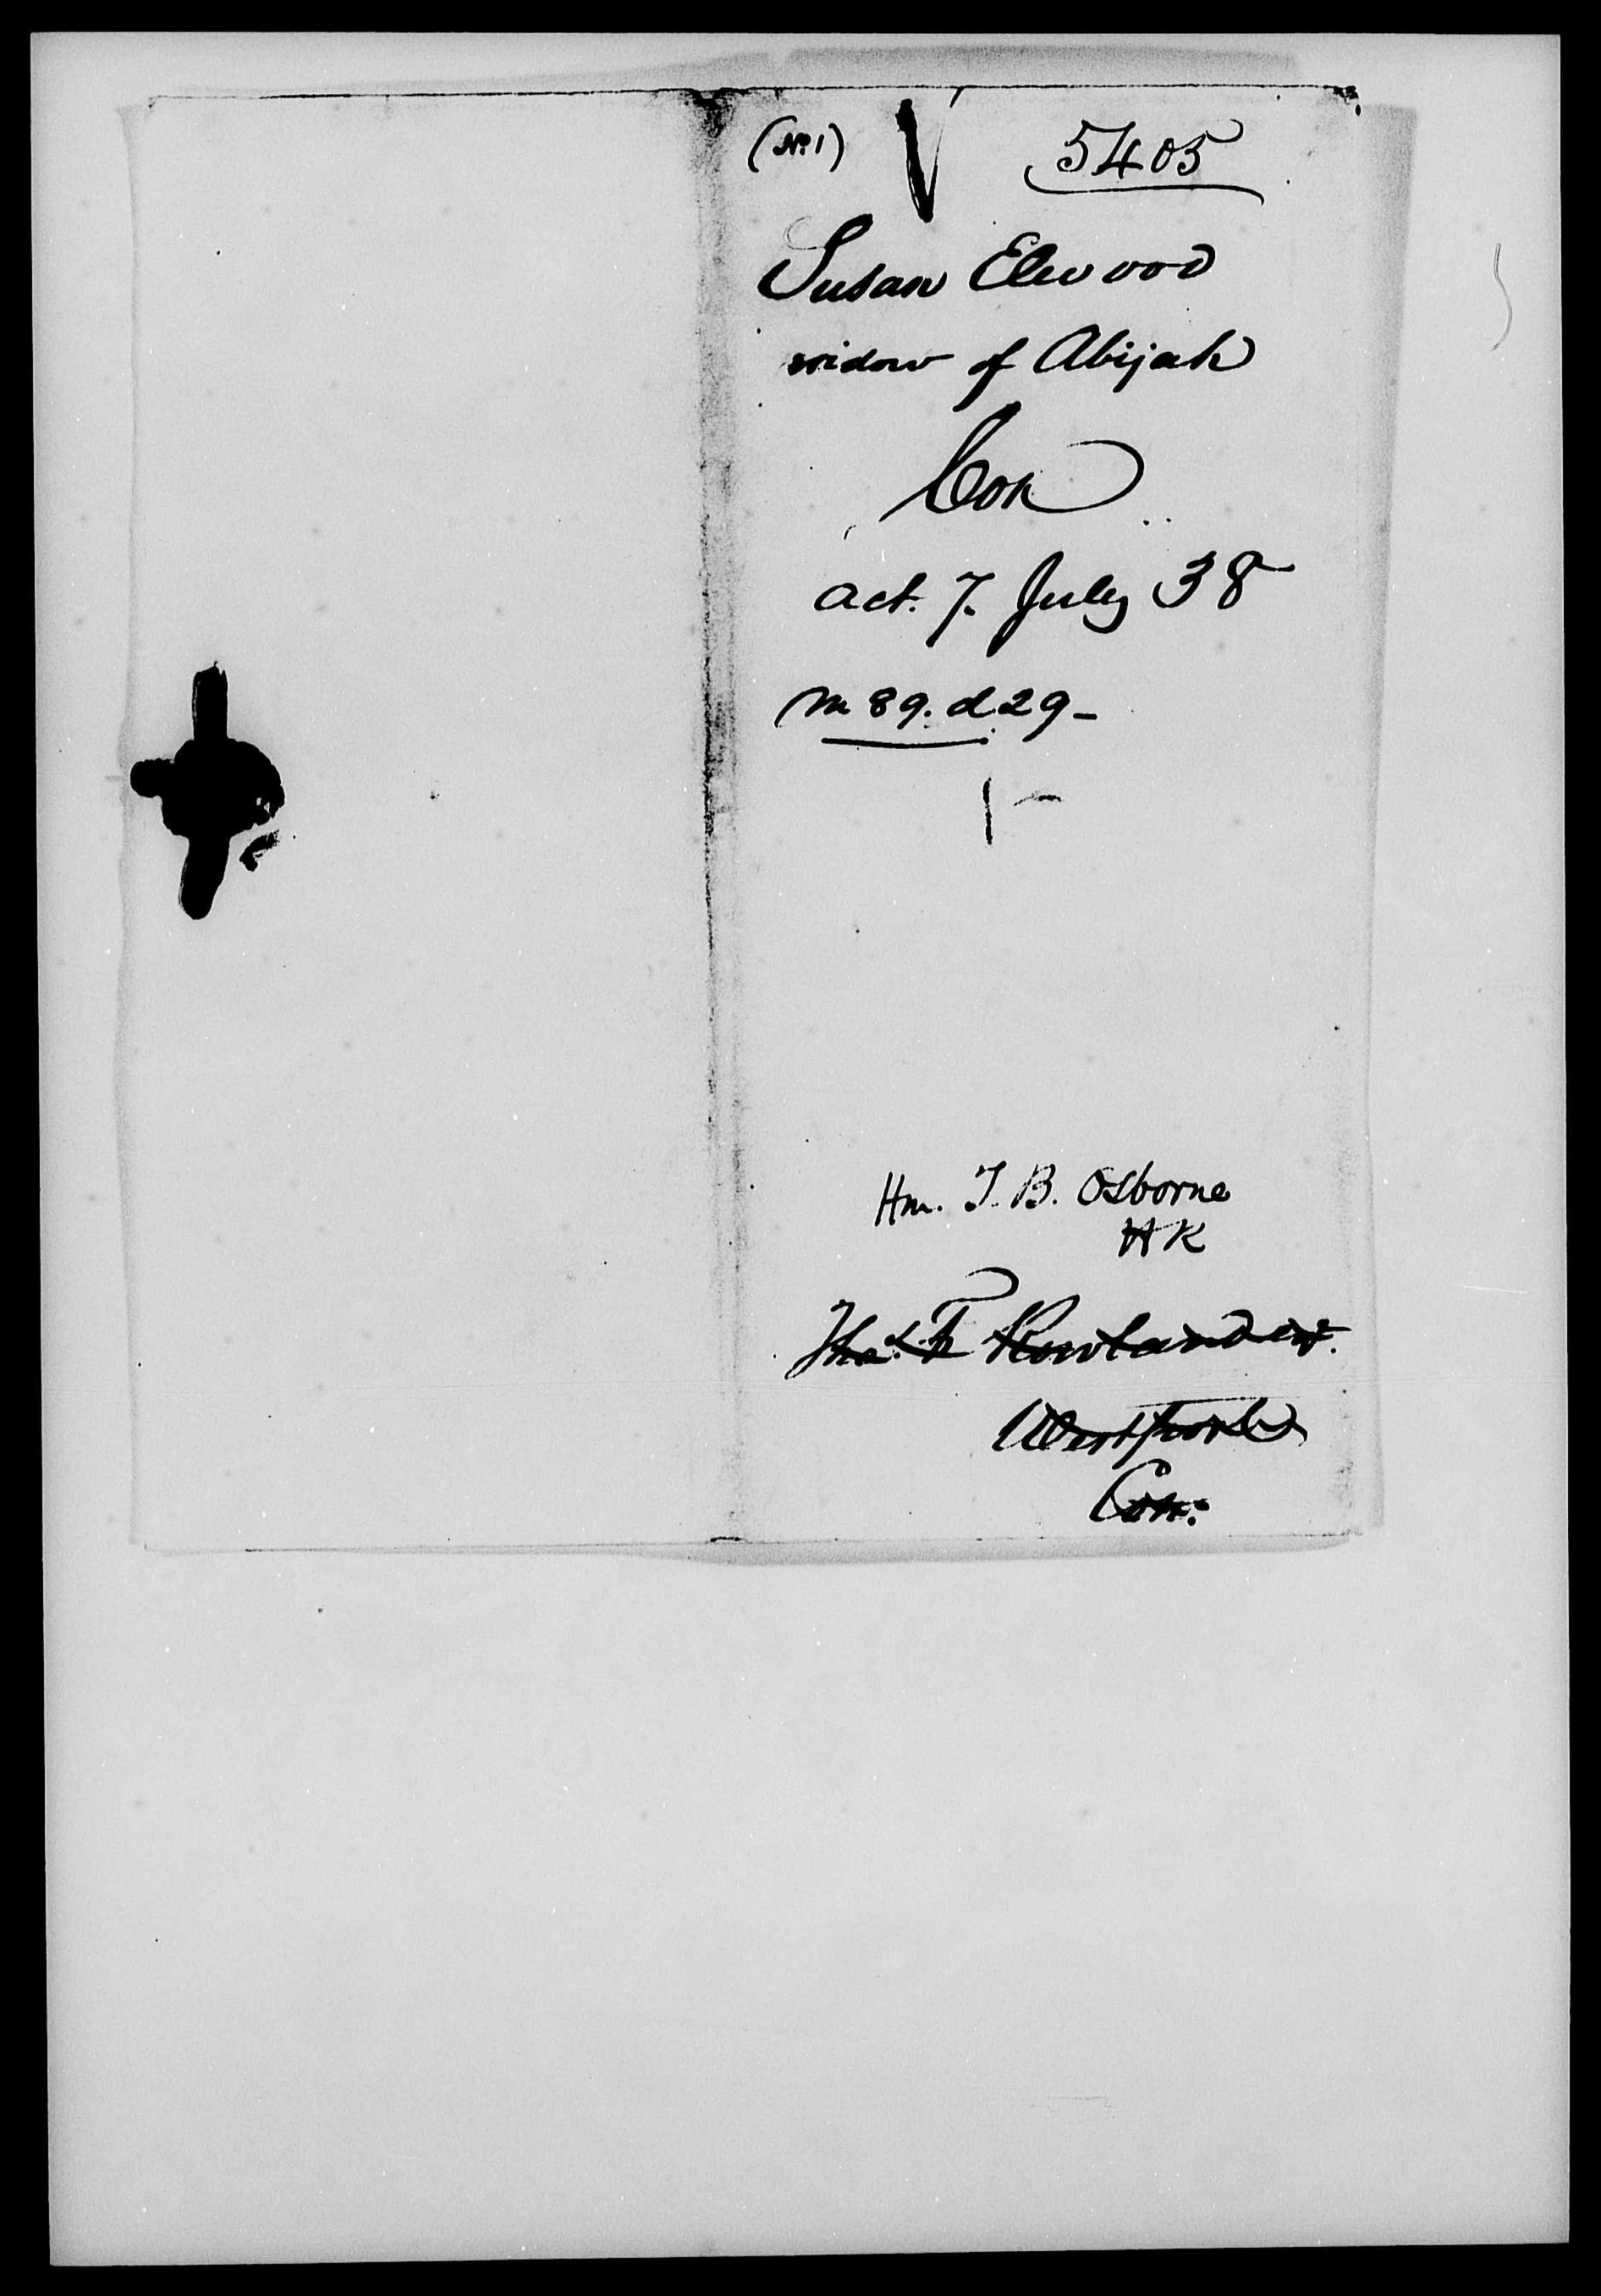(No. 1)
5403
Susan Elwood widow of Abigah []
Act. 7. July 38

[] 89.[]29-

Hon. T. B. Osborn HR
The [] Rowland []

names: Susan Elwood, Thos F Rowland, Abijah Elwood, T B Osborne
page: 68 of 69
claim: widow's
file: W. 25562, Abijah Elwood, Conn.